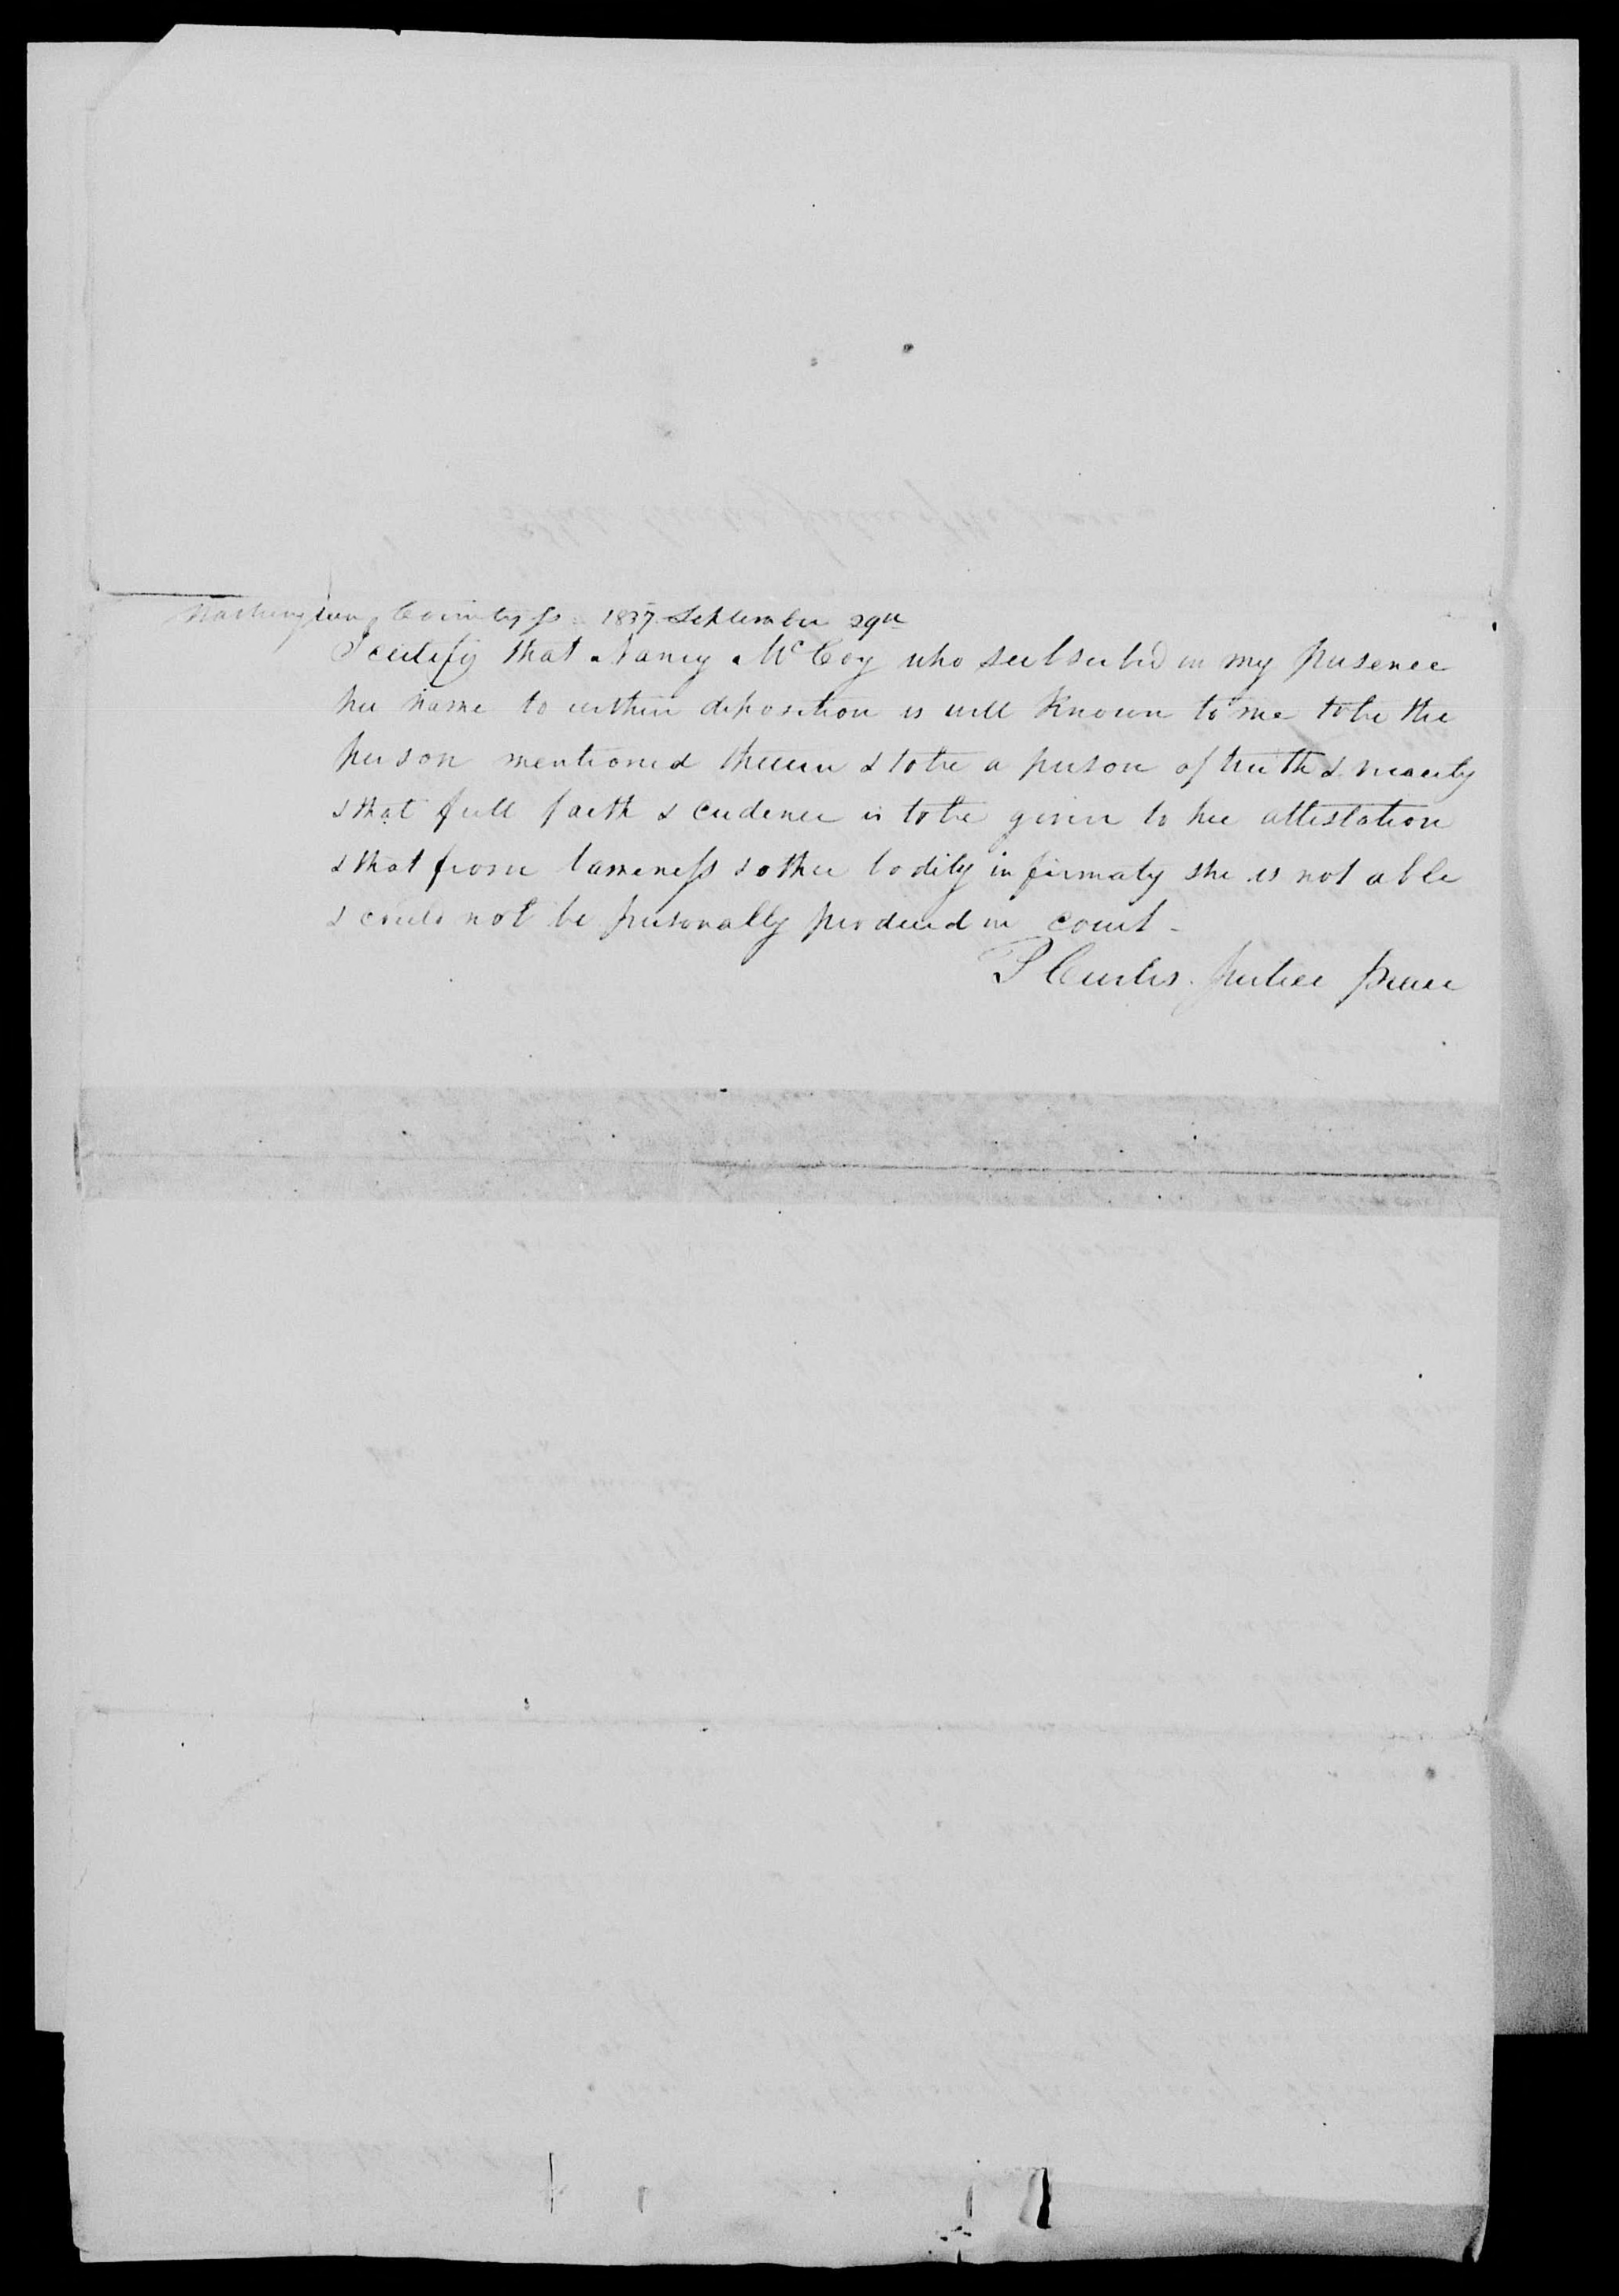Washington County ss- 1837 September 29th 
I certify that Nancy McCoy who subscribed in my presence her name to within deposition as well known to me to be the person mentioned therein and to be a person of truth and veracity and that full faith and credence is to be given to her attestation and that from lameness and other bodily infirmity she is not able and could not personally per deed in court. 

Pleurtes 
Justice Peace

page: 12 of 42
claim: widow's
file: W. 23,937 S. 28094, for Alexander Mc Nish, New York